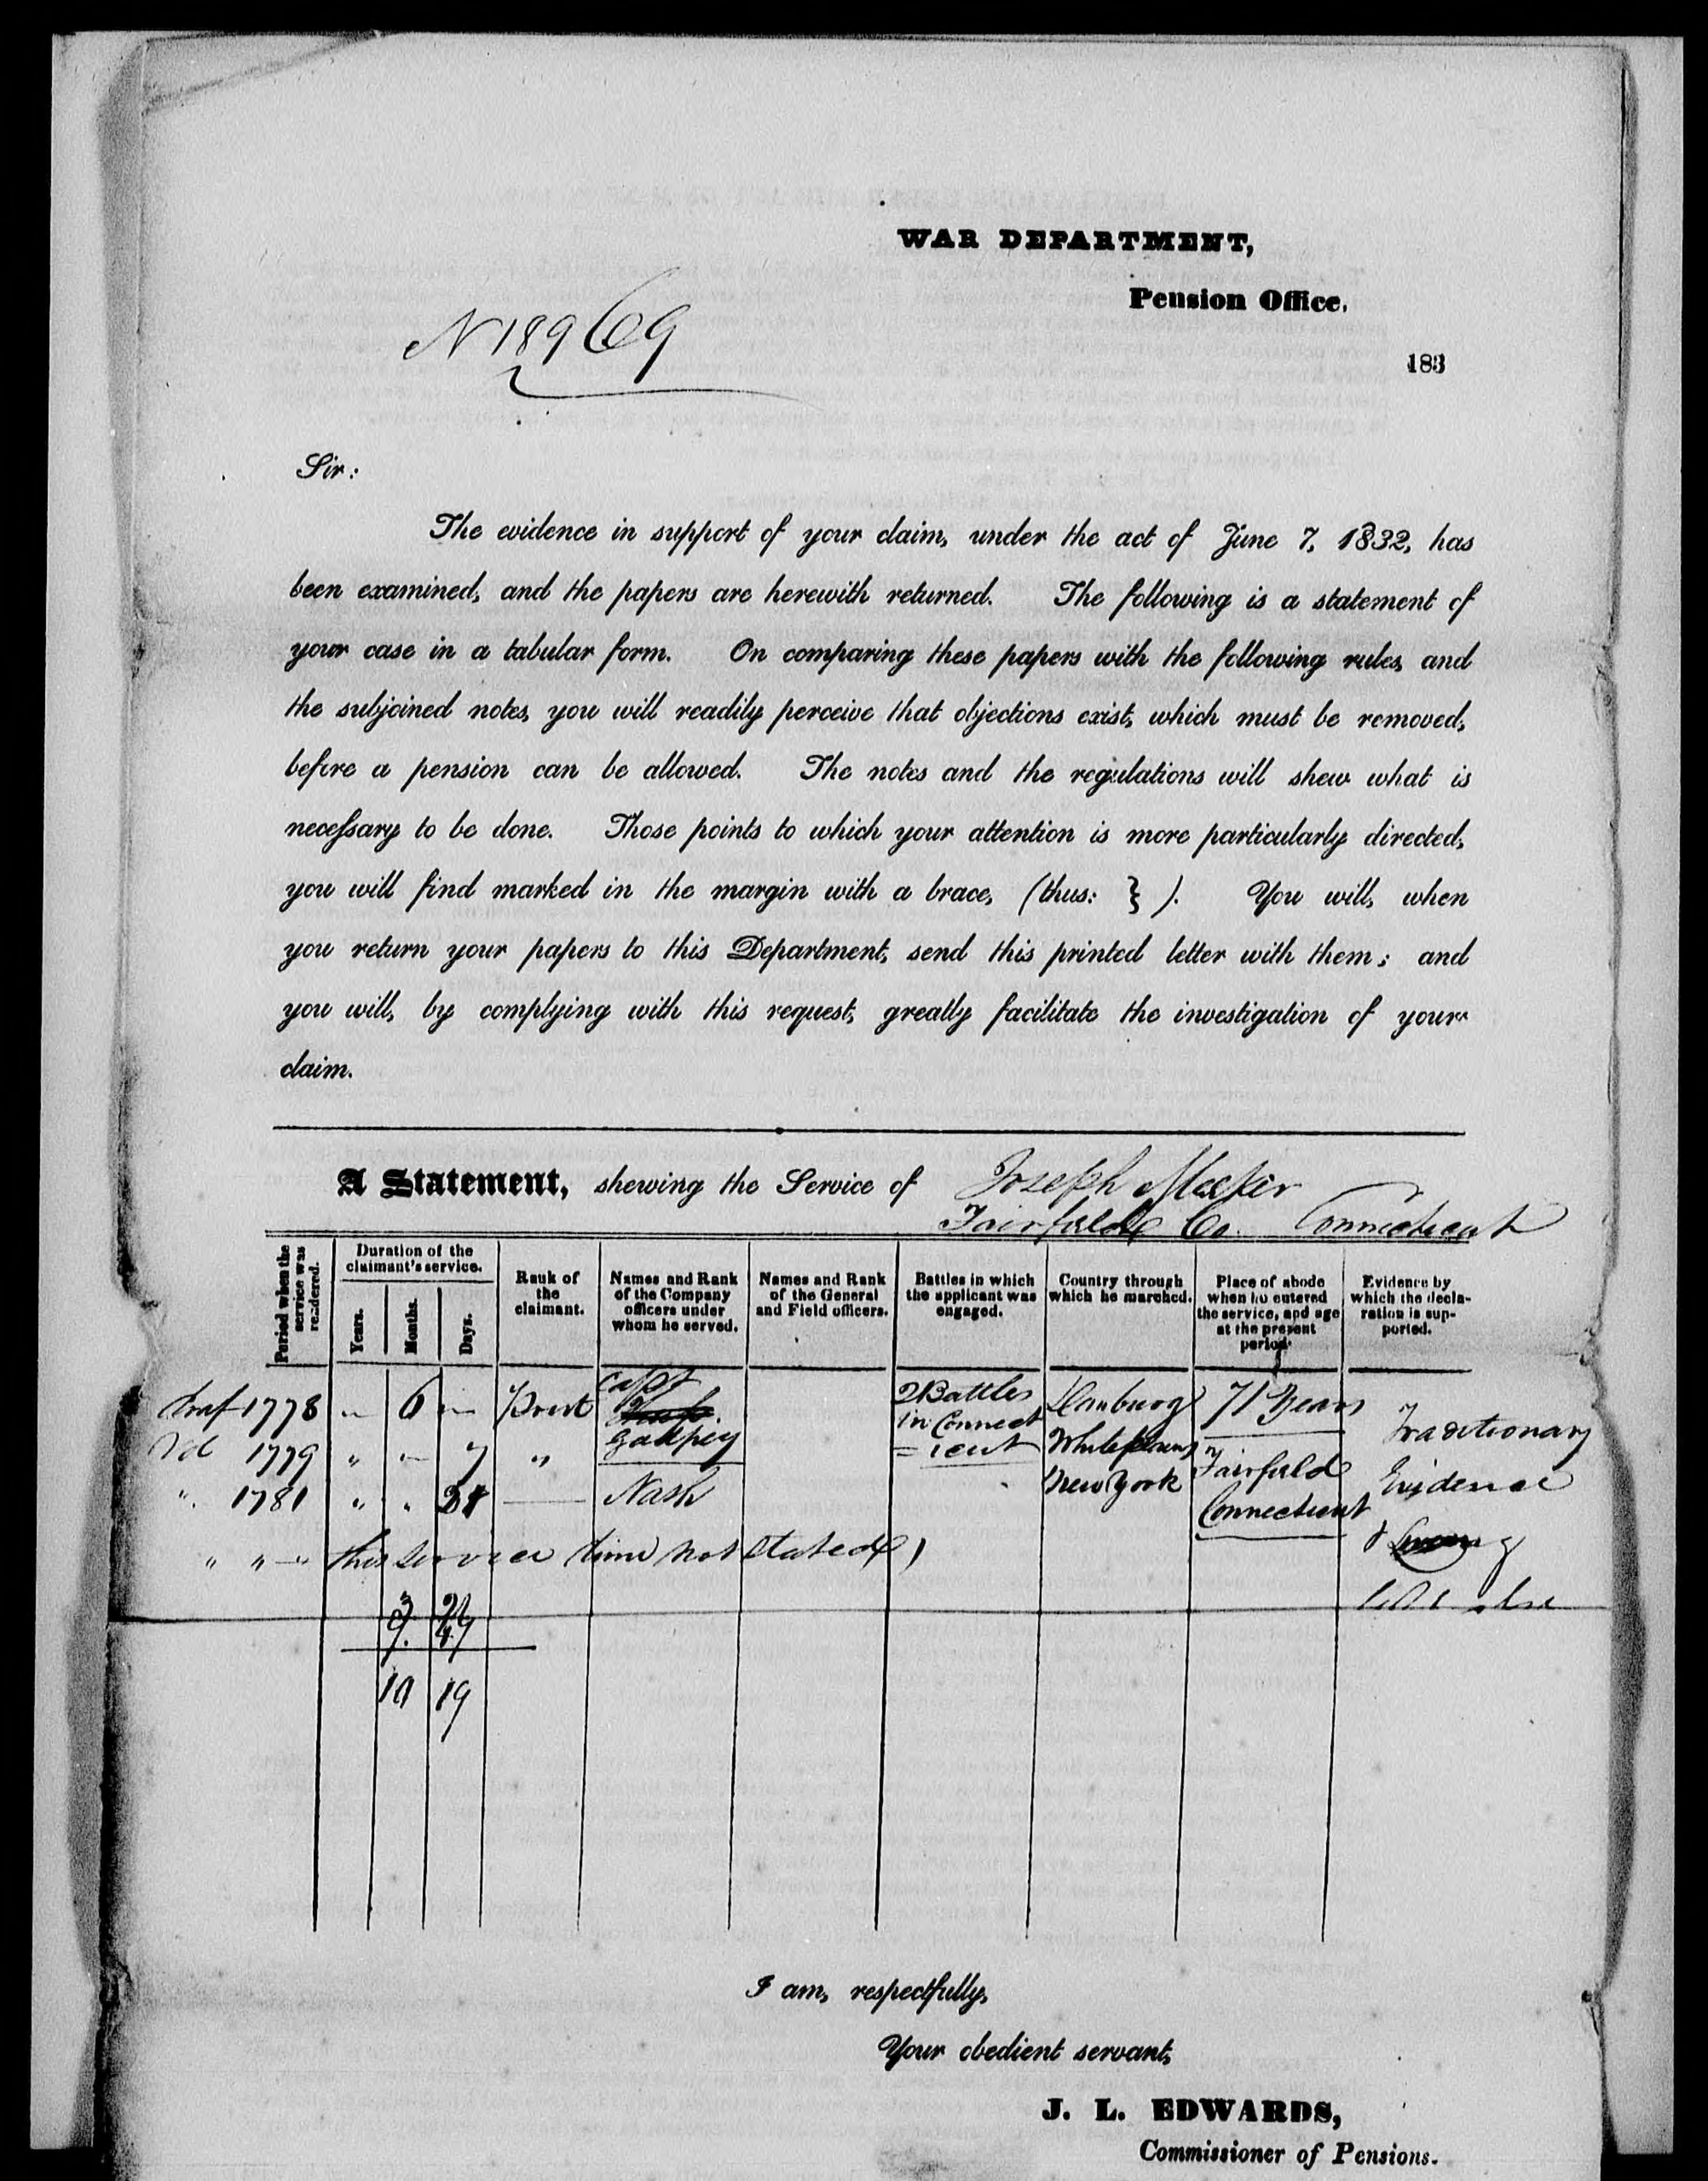WAR DEPARTMENT,
                                   Pension Office.
N18969                                                 183

Sir:
   The evidence in support of your claim, under the act of June 7, 1832, has been examined, and the papers are herewith returned.  The following is a statement of your case in tabular form.  On comparing these papers with the following rules and the subjoined notes, you will readily perceive that objections exist, which must be removed, before a pension can be allowed. The rules and regulations will show what is necessary to be done. These points to which your attention is more particularly directed, you will find marked in the margin with a brace ( thus: ] ).  You will, when you return your papers to this Department, send this printed letter with them; and you will, by complying with this request, greatly facilitate the investigation of your claim.
________________________________________________
A Statement, showing the Service of 
                                   Joseph Meeker
                                    Fairfield Co. Connecticut
{A table follows with nine main headings]

Period when the service was rendered
Duration of the claimant's service
      Years    Months    Days.
Rank of the claimant.
Name and Rank of the Company officers under 
     whom he served.
Name and Rank of the General and Field 
      officers.
Battles in which the applicant was engaged.
Country through which he marched.
Place of abode when he entered the service, and age at the present period.
Evidence by which the declaration is supported.

[Responses]
-  draft 1778  6 months     Privt   Capt Godfrey   2 Battles in Connecticut   Danbury    71 Years  Traditionary

- vol 1779       7 days  Privt   Capt Godfrey
White Plains New York     Fairfield Connecticut
Evidence & 

- vol 1781   21 [?] days   Privt      Nash
   [last comment illegible]

- "     "  the service time not stated)

   2.20      [numbers overlap, do not compute]]
   9.49
______
 10.19 (or 11.19)


               I am, respectfully,
                     Your obedient servant,
                            J. L. Edwards.
                             Commissioner of Pensions.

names: Joseph Meeker; [BLANK] Gadfrey; J L Edwards; [BLANK] Nash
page: 17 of 22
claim: survivor's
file: S. 15,517, for Joseph Meeker, Connecticut